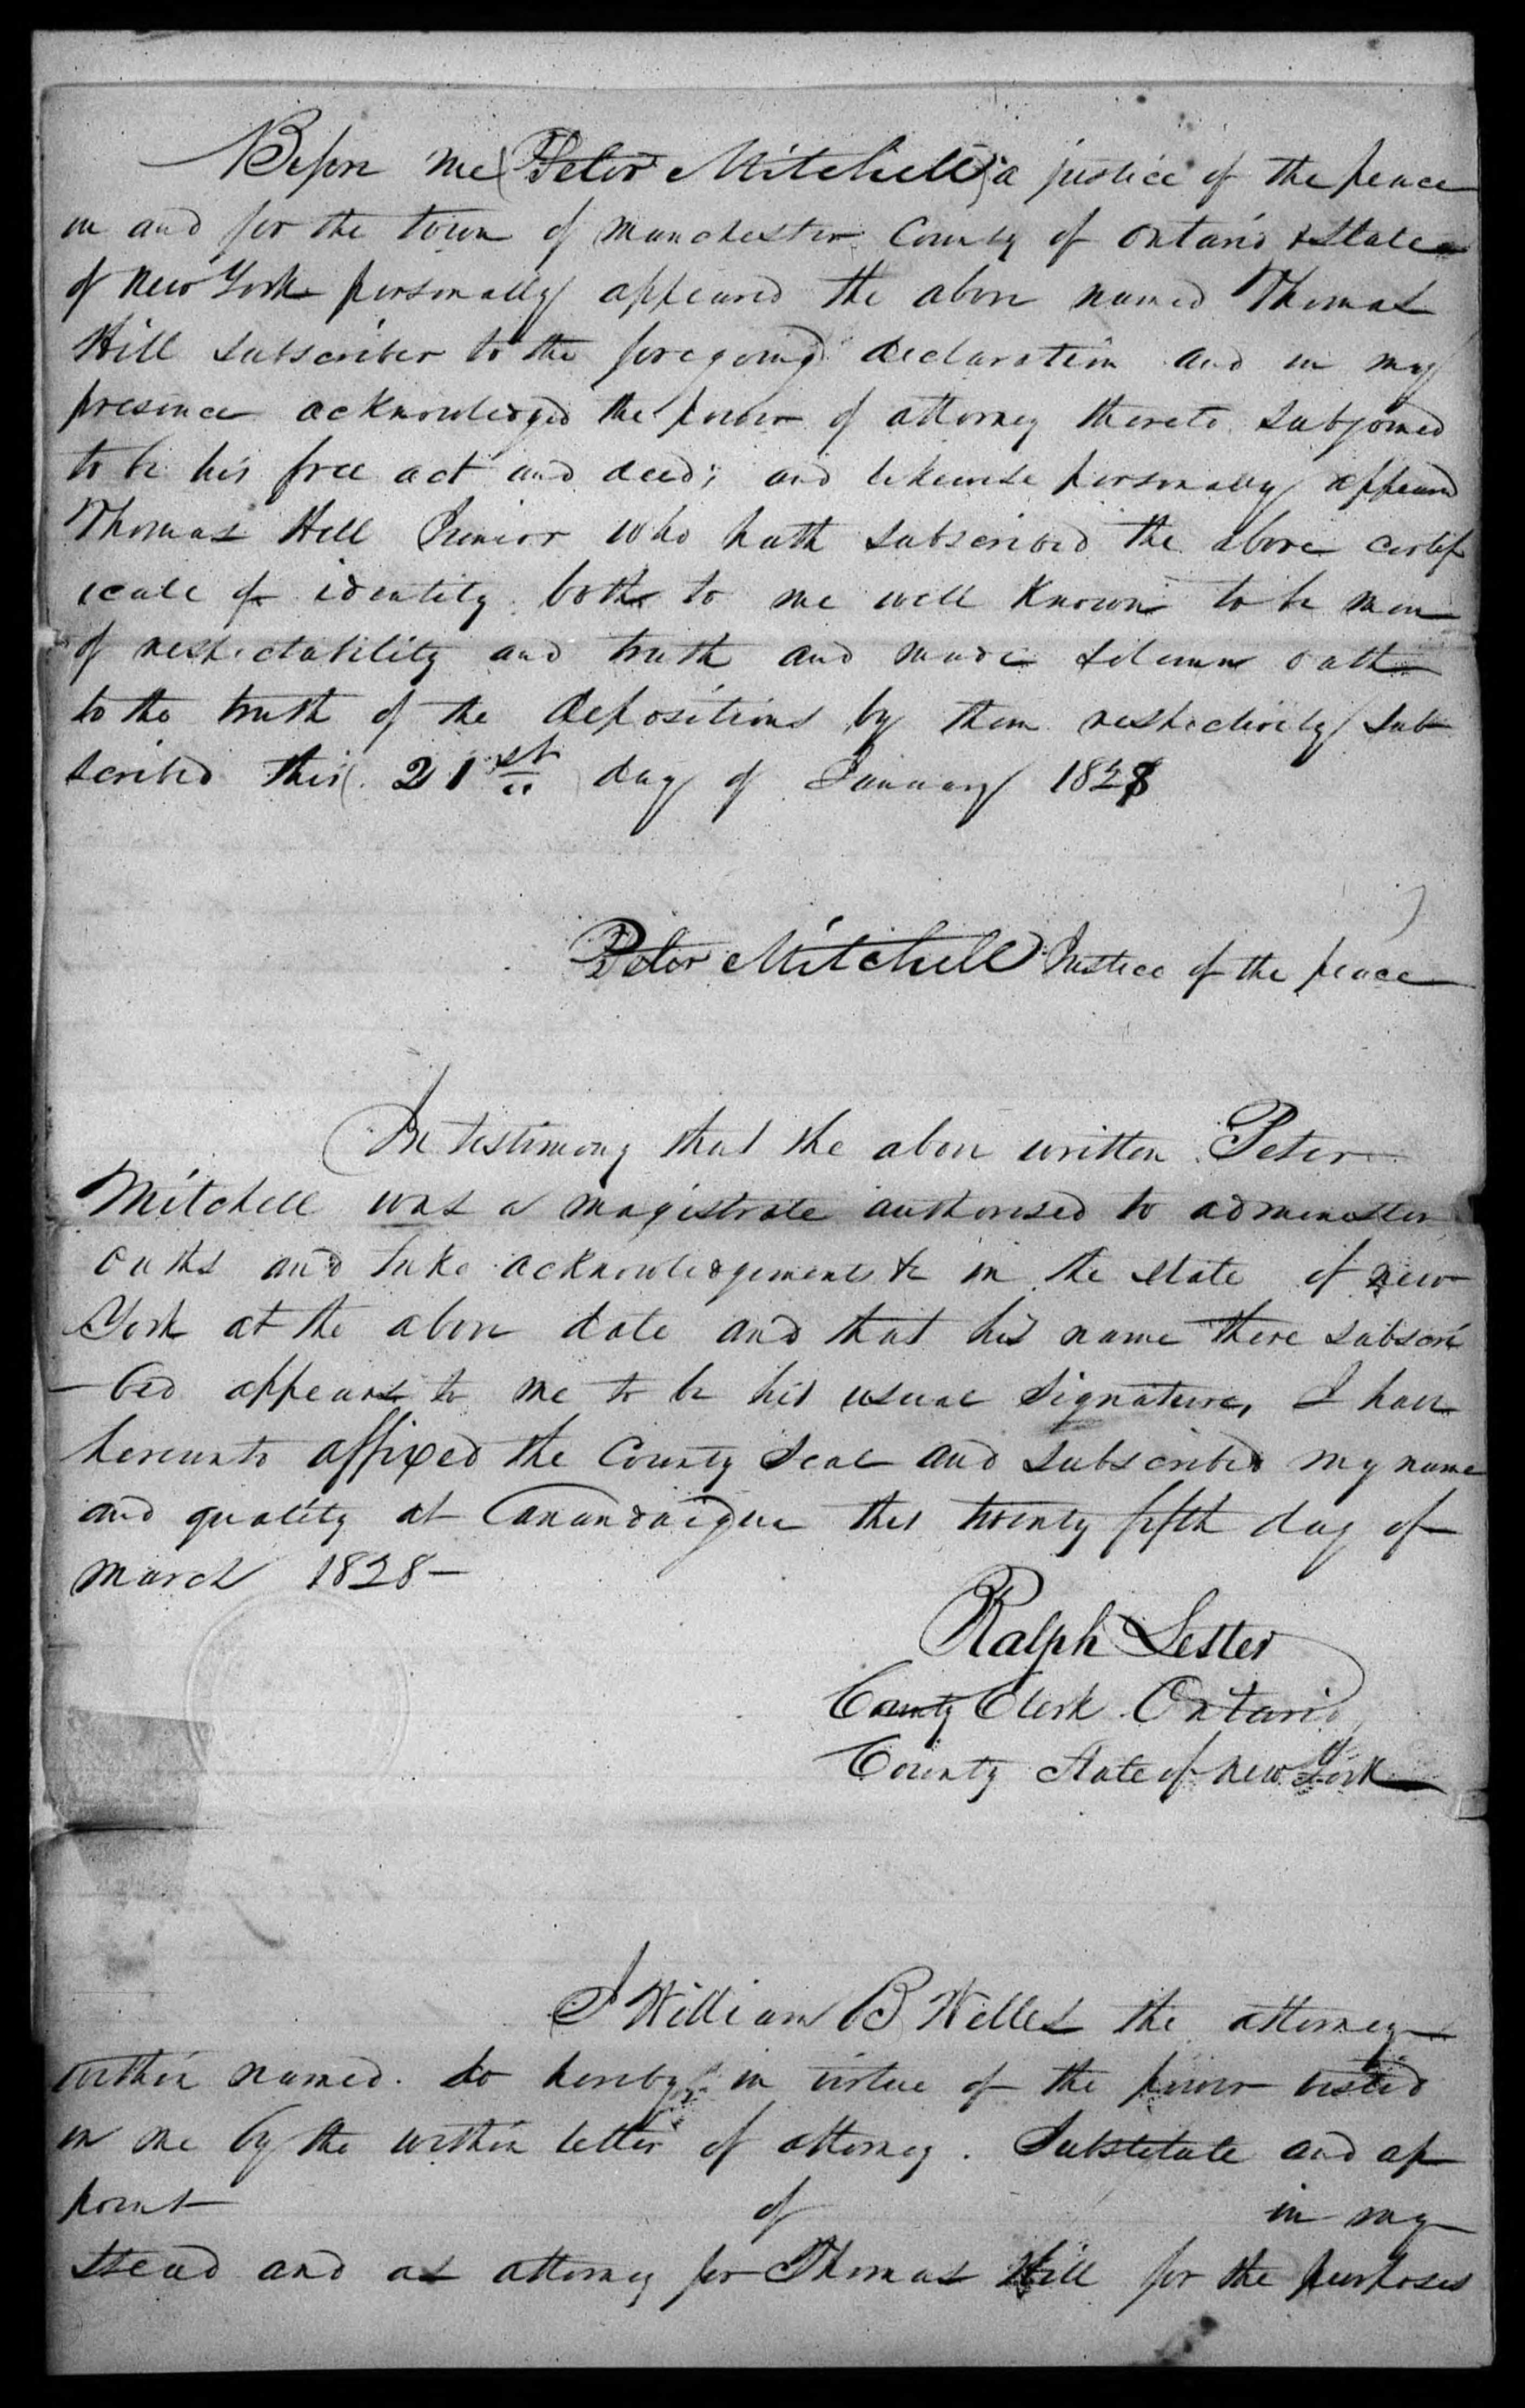Before me Peter Mitchell a justice of the peace in and for the town of Manchester county of Ontario state of New York personally appeared the above named Thomas Hill subscribes to the foregoing declaration and in my presence acknowledged the power of attorney thereto subpoenaed to be his free act and deed; and whereto personally appeared Thomas Hill Junior who hath subscribed the above certificate of identity both to me well known to be men of respectability and truth and solemn oath to the truth of the depositions by them [illegible] subscribed this 21st day of January 1828
Peter Mitchell Justice of the peace

The testimony that the above written Peter Mitchell was a magistrate authorized to administer oaths and take acknowledgements to in the state of New York at the above date and that his name there subscribed appears to me to be his usual signature, I have hereunto affixed the county seal and subscribed my name and quality at Canandaigua this twenty fifth day of March 1828-
Ralph Lester
County Clerk Ontario
County State of New York

I William B. Welles the attorney within named do hereby in virtue of the power vested in me by the within letter of attorney.  Substitute and appoint               of             in my stead and as attorney for Thomas Hill for the purposes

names: Ralph Lester, Thomas Hill, Peter Mitchell, Thomas Hill, Peter Mitchell, William B Welles, Thomas Hill, Peter Mitchell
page: 18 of 31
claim: survivor's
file: S. 43672, Thomas Hill, New York